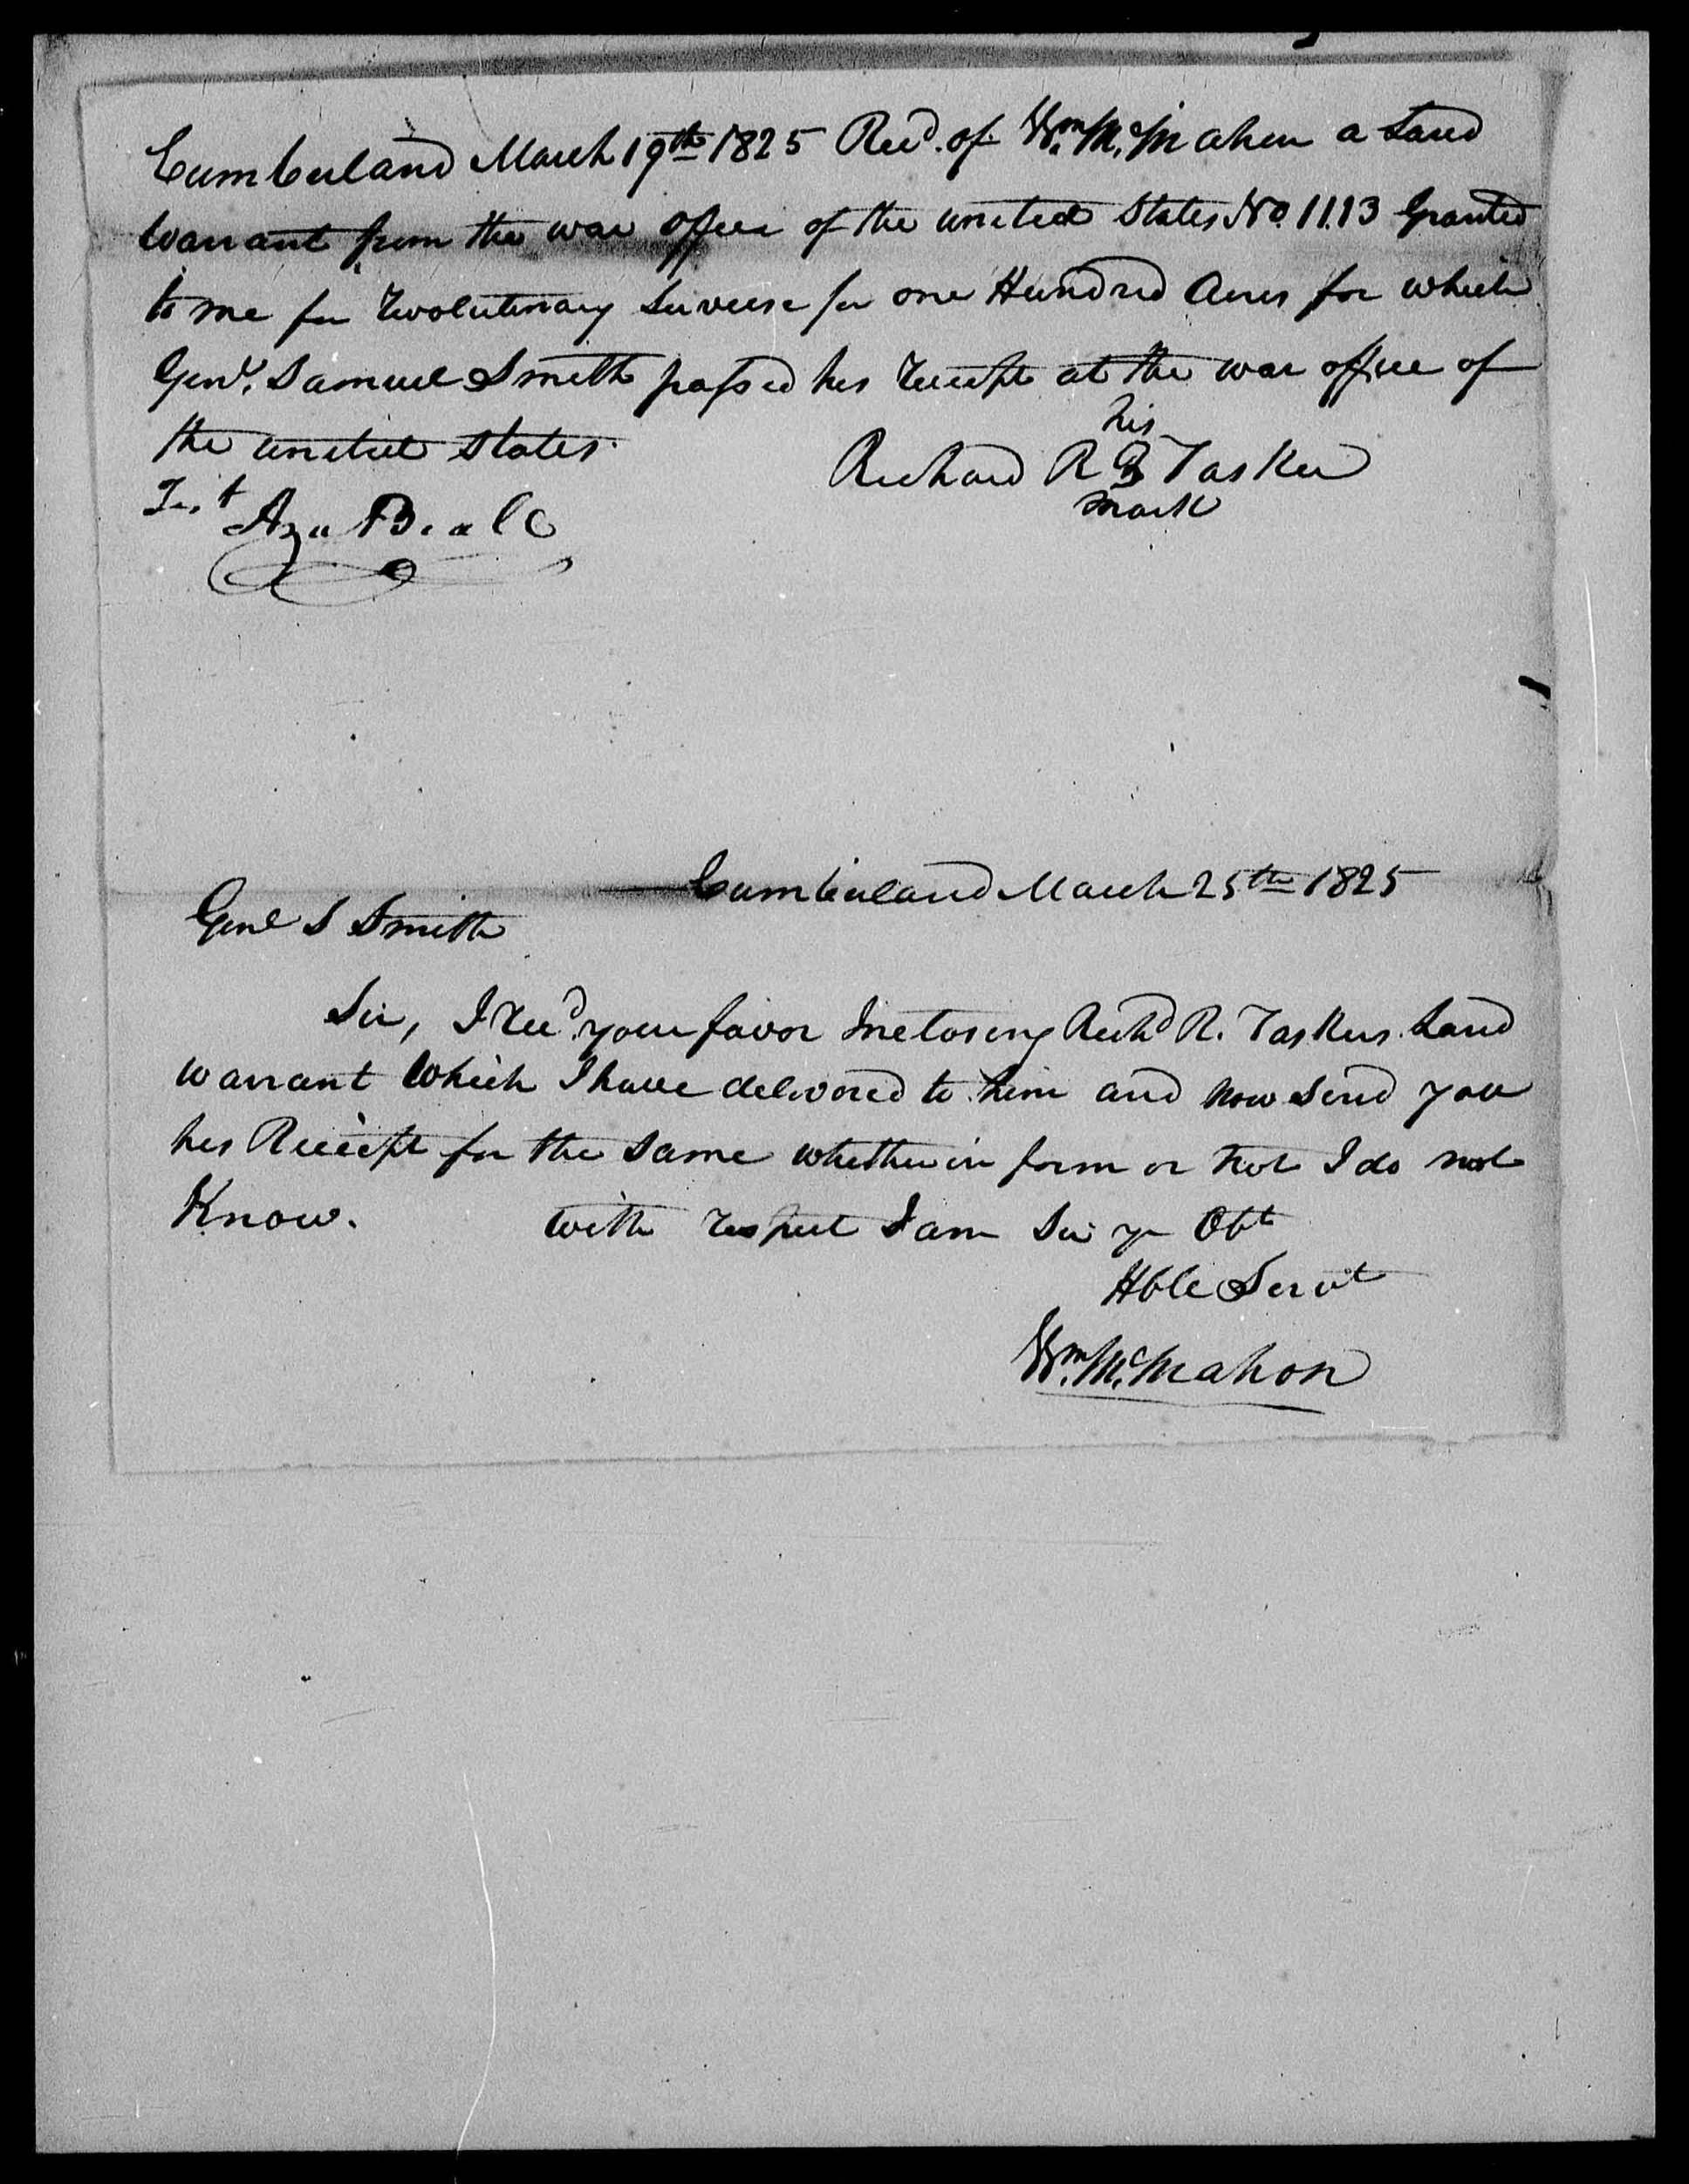Cumberland
March 19th 1825 Recd. of Wm. McMahon a Land warrant from the war office of the United States No 11.13 Granted
to me for revolutionary service for one Hundred acres for which
Genl Samuel Smith passed his receipt at the war office of the United States
Richard R  his X mark  Tasker
Test. Aza Beale
Cumberland March 25th 1825
Genl S Smith
Sir, I recd your favor Inclosing Richd. R. Taskers Land warrant which I have delivered to him and now send you his Receipt for the same whether in form or not I do not Know
with respect I am Sir yr Obt
Hble Servt
Wm. McMahon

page: 4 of 25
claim: survivor's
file: S. 35093, for Richard R Tasker, Maryland